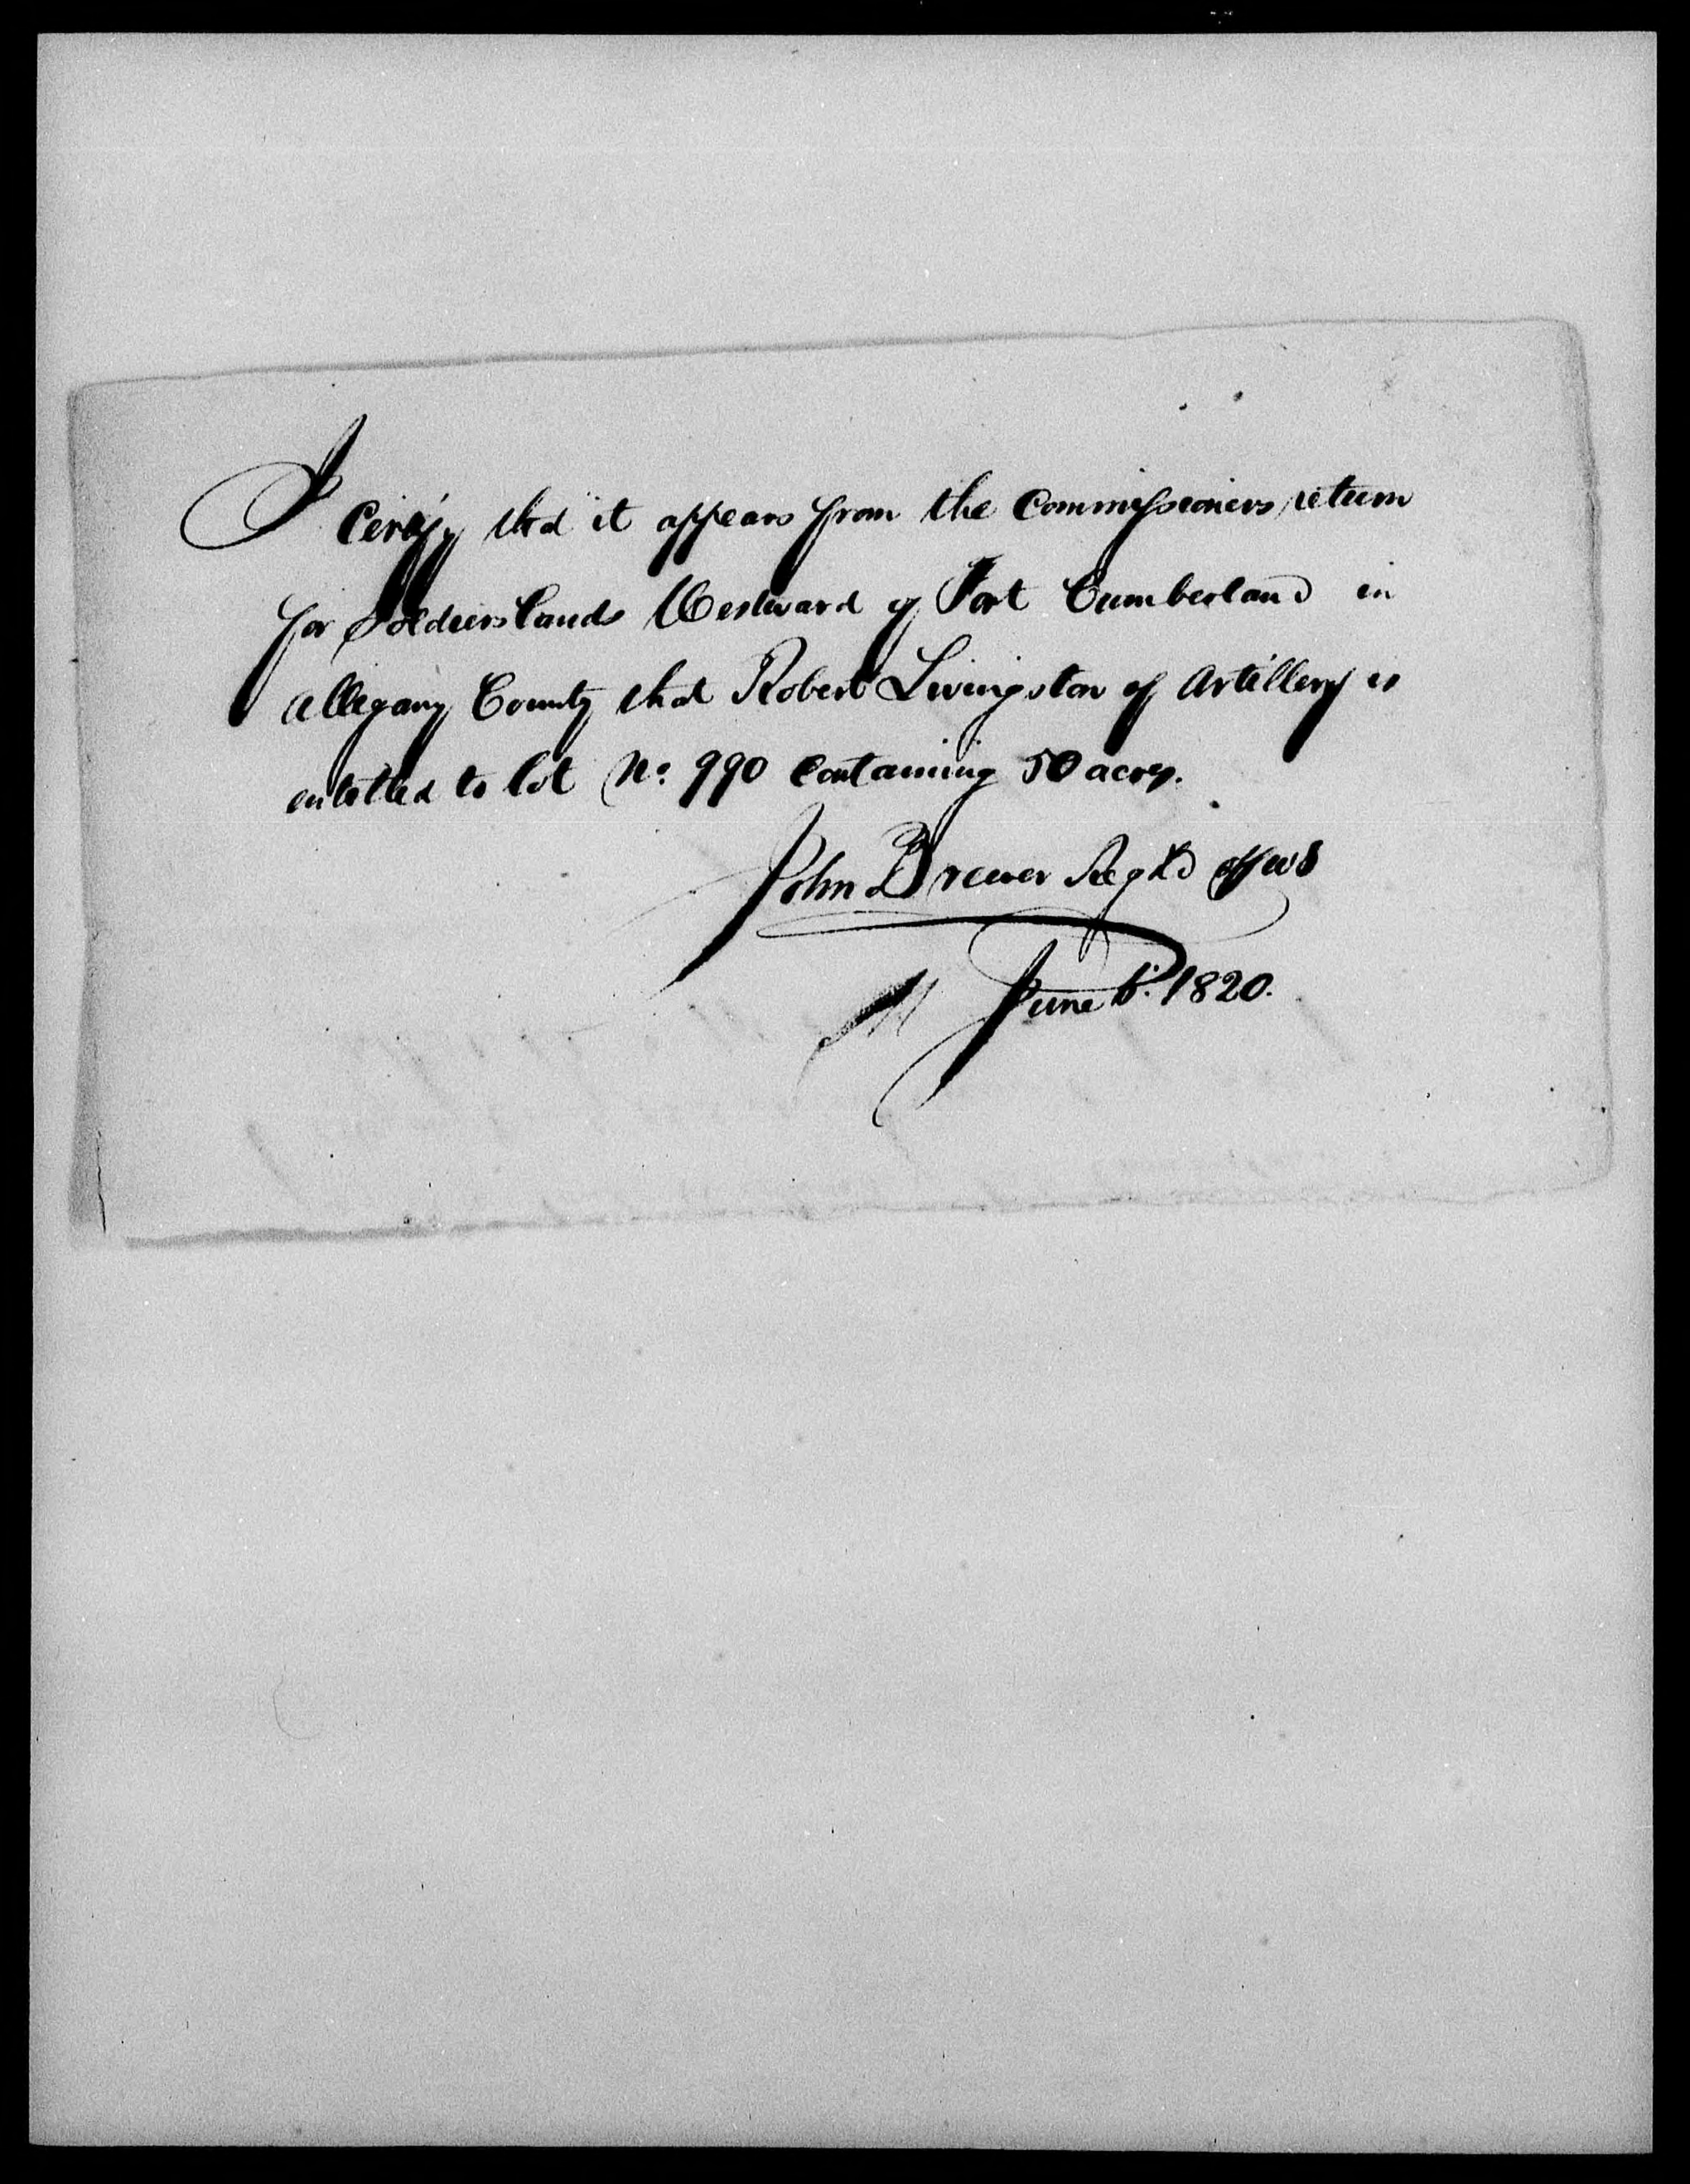I certify that it appears from the commissioners return for soldier's land westward of Fort Cumberland in Allegany County that Robert Livingston of Artillery is entitled to lot No 990 containing 50 acres

John Brewer - Register Office
June 6, 1820.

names: John Brewer; Robert Livingston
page: 10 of 23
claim: survivor's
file: S 42874, for Robert Livingston, Maryland